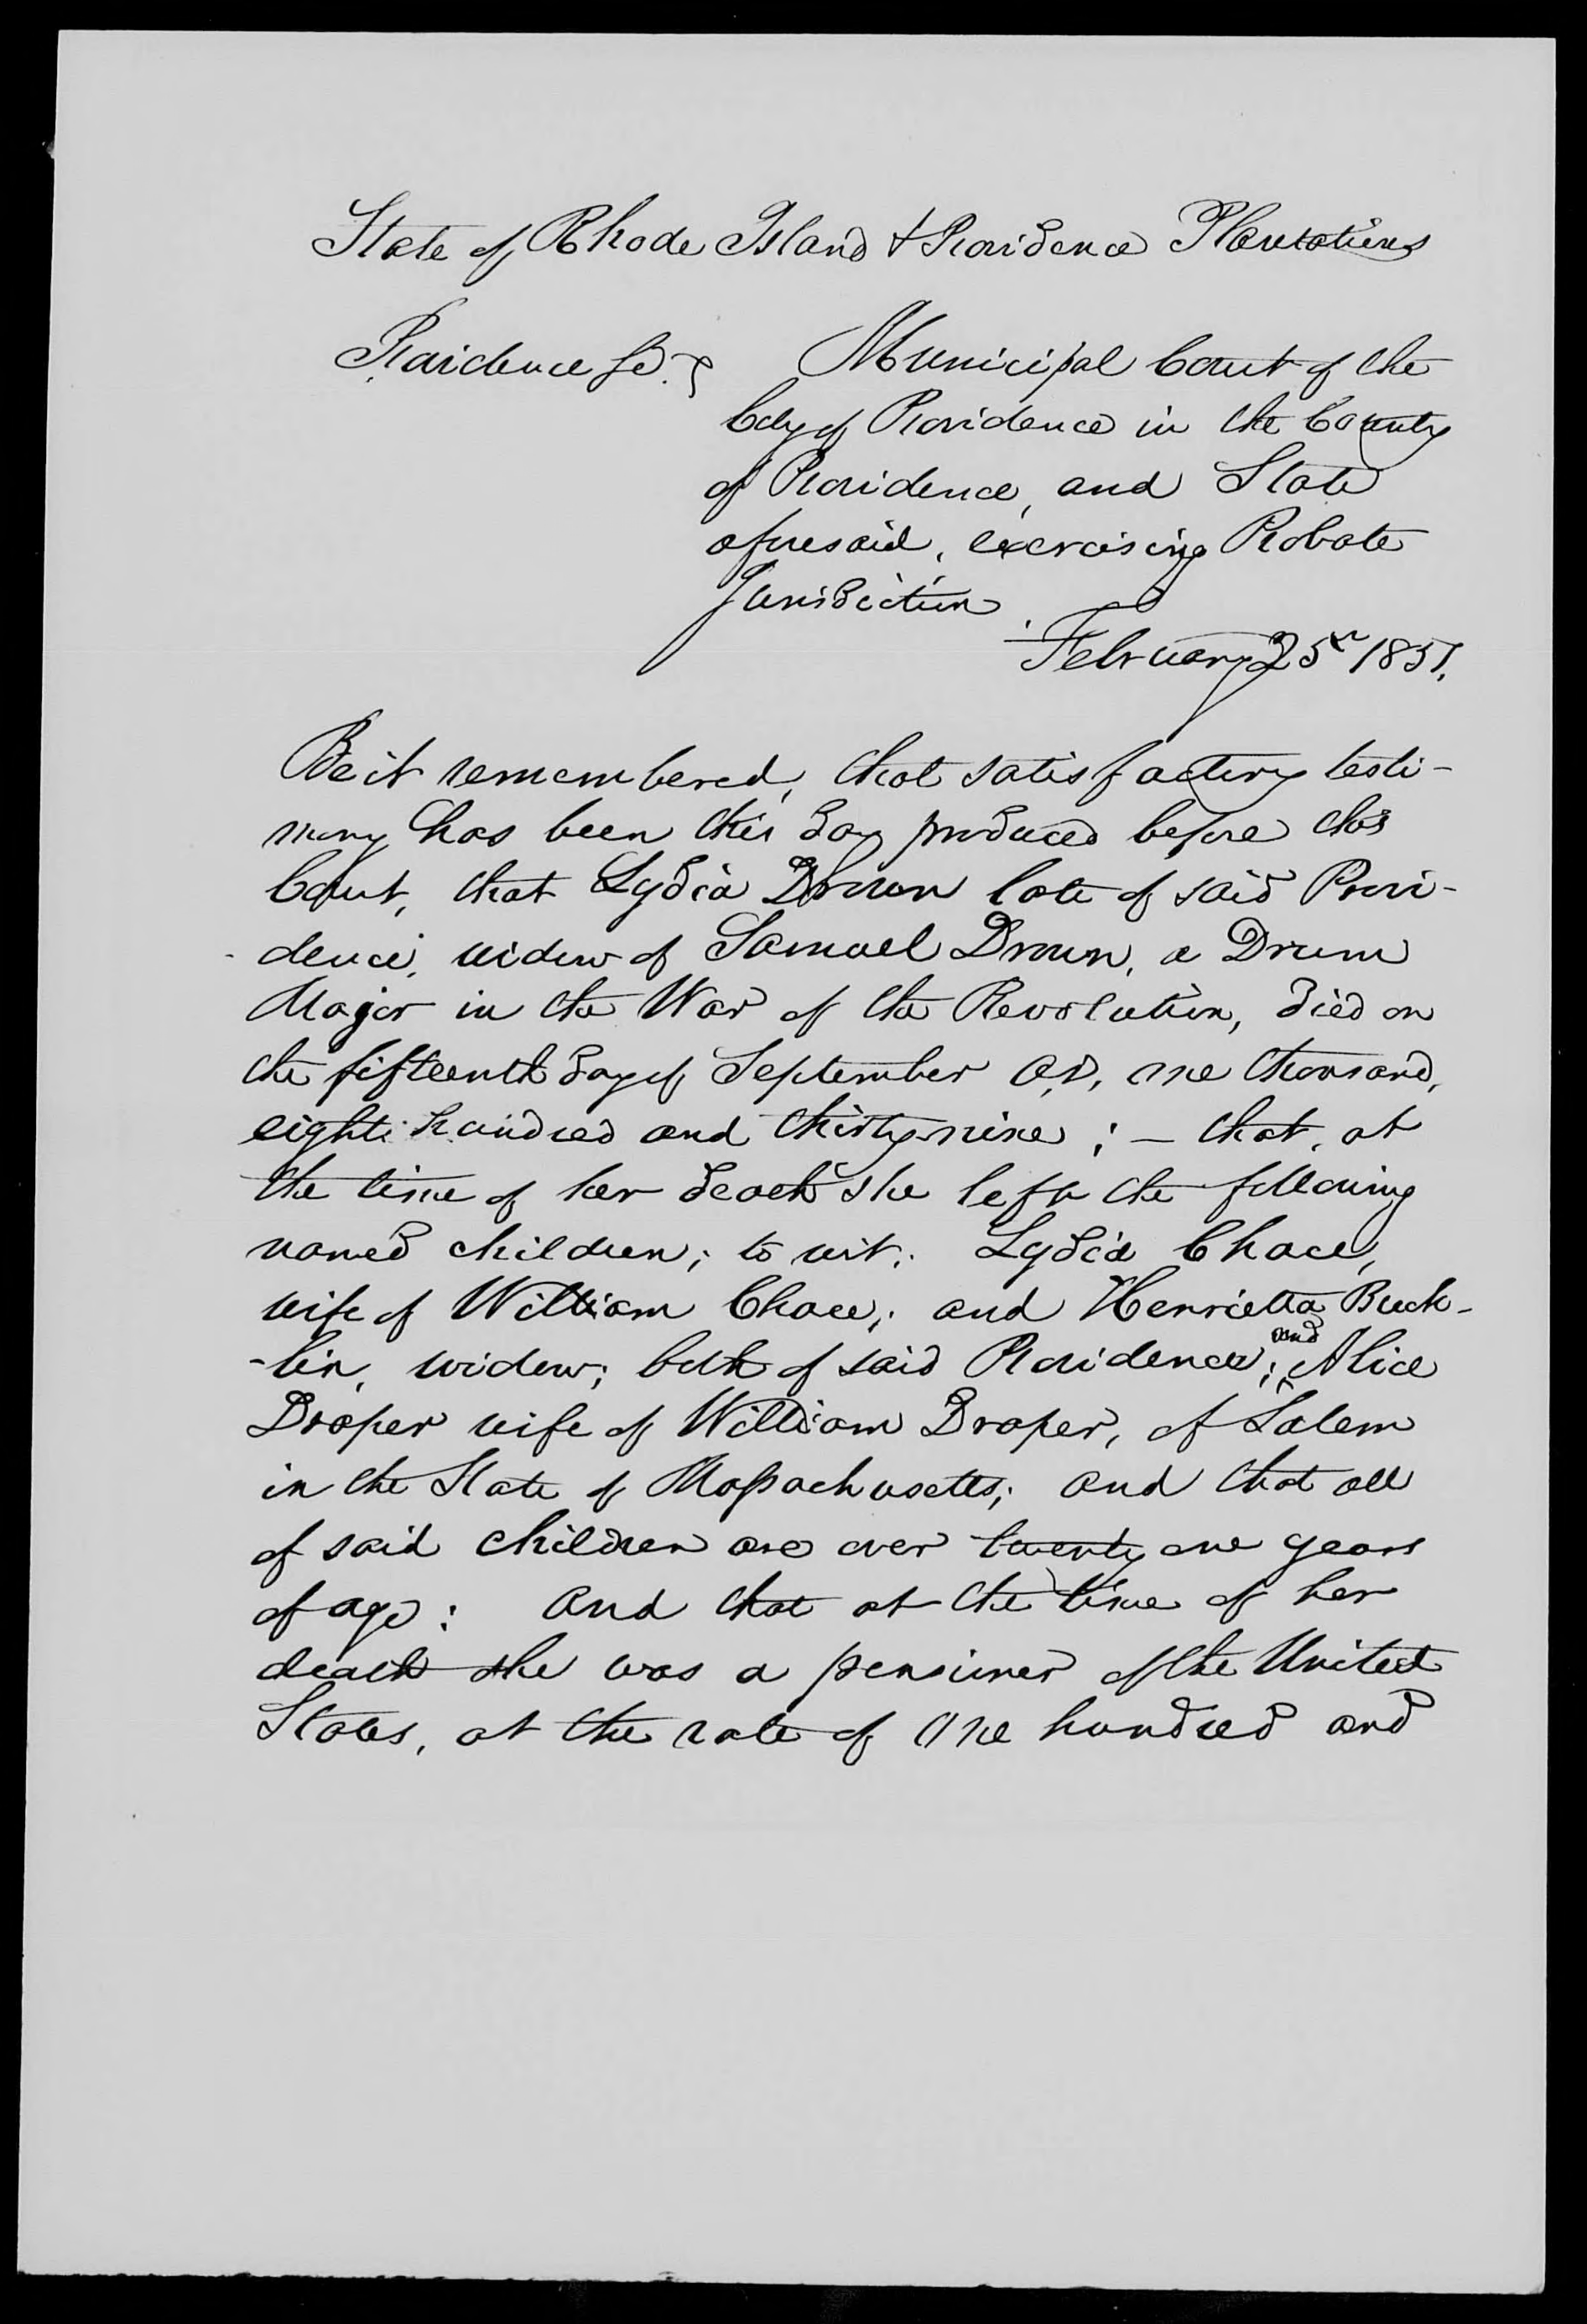State of Rhode Island & Providence Plantations
Providence RI
Municipal Court of the
City of Providence in the County
of Providence, and State
aforesaid, exercising Probate
Jurisdiction
February 25 1857

Be it remembered that satisfactory testimony has been this day produced before this
Court, that Lydia Drown late of said Providence, widow of Samuel Drown, a Drum
Major in the War of the Revolution, died on
the fifteenth day of September A.D. one thousand
eight hundred and thirty nine; - that at
the time of her death she left the following
named children, to wit, Lydia Chace,
wife of William Chace; and Henrietta Bucklin, widow, both of said Providence; and  Alice
Draper wife of William Draper of, Salem
in the State of Massachusetts; and that all
of said children are over twenty one years
of age:  And that at the time of her
death she was a pensioner of the United States, at the rate of one hundred and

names: Alice Draper, William Chace, Lydia Drown, William Draper, Henrietta Bucklin, Lydia Chace, Samuel Drown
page: 29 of 31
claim: widow's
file: W 21004, Samuel Drown, R.I.